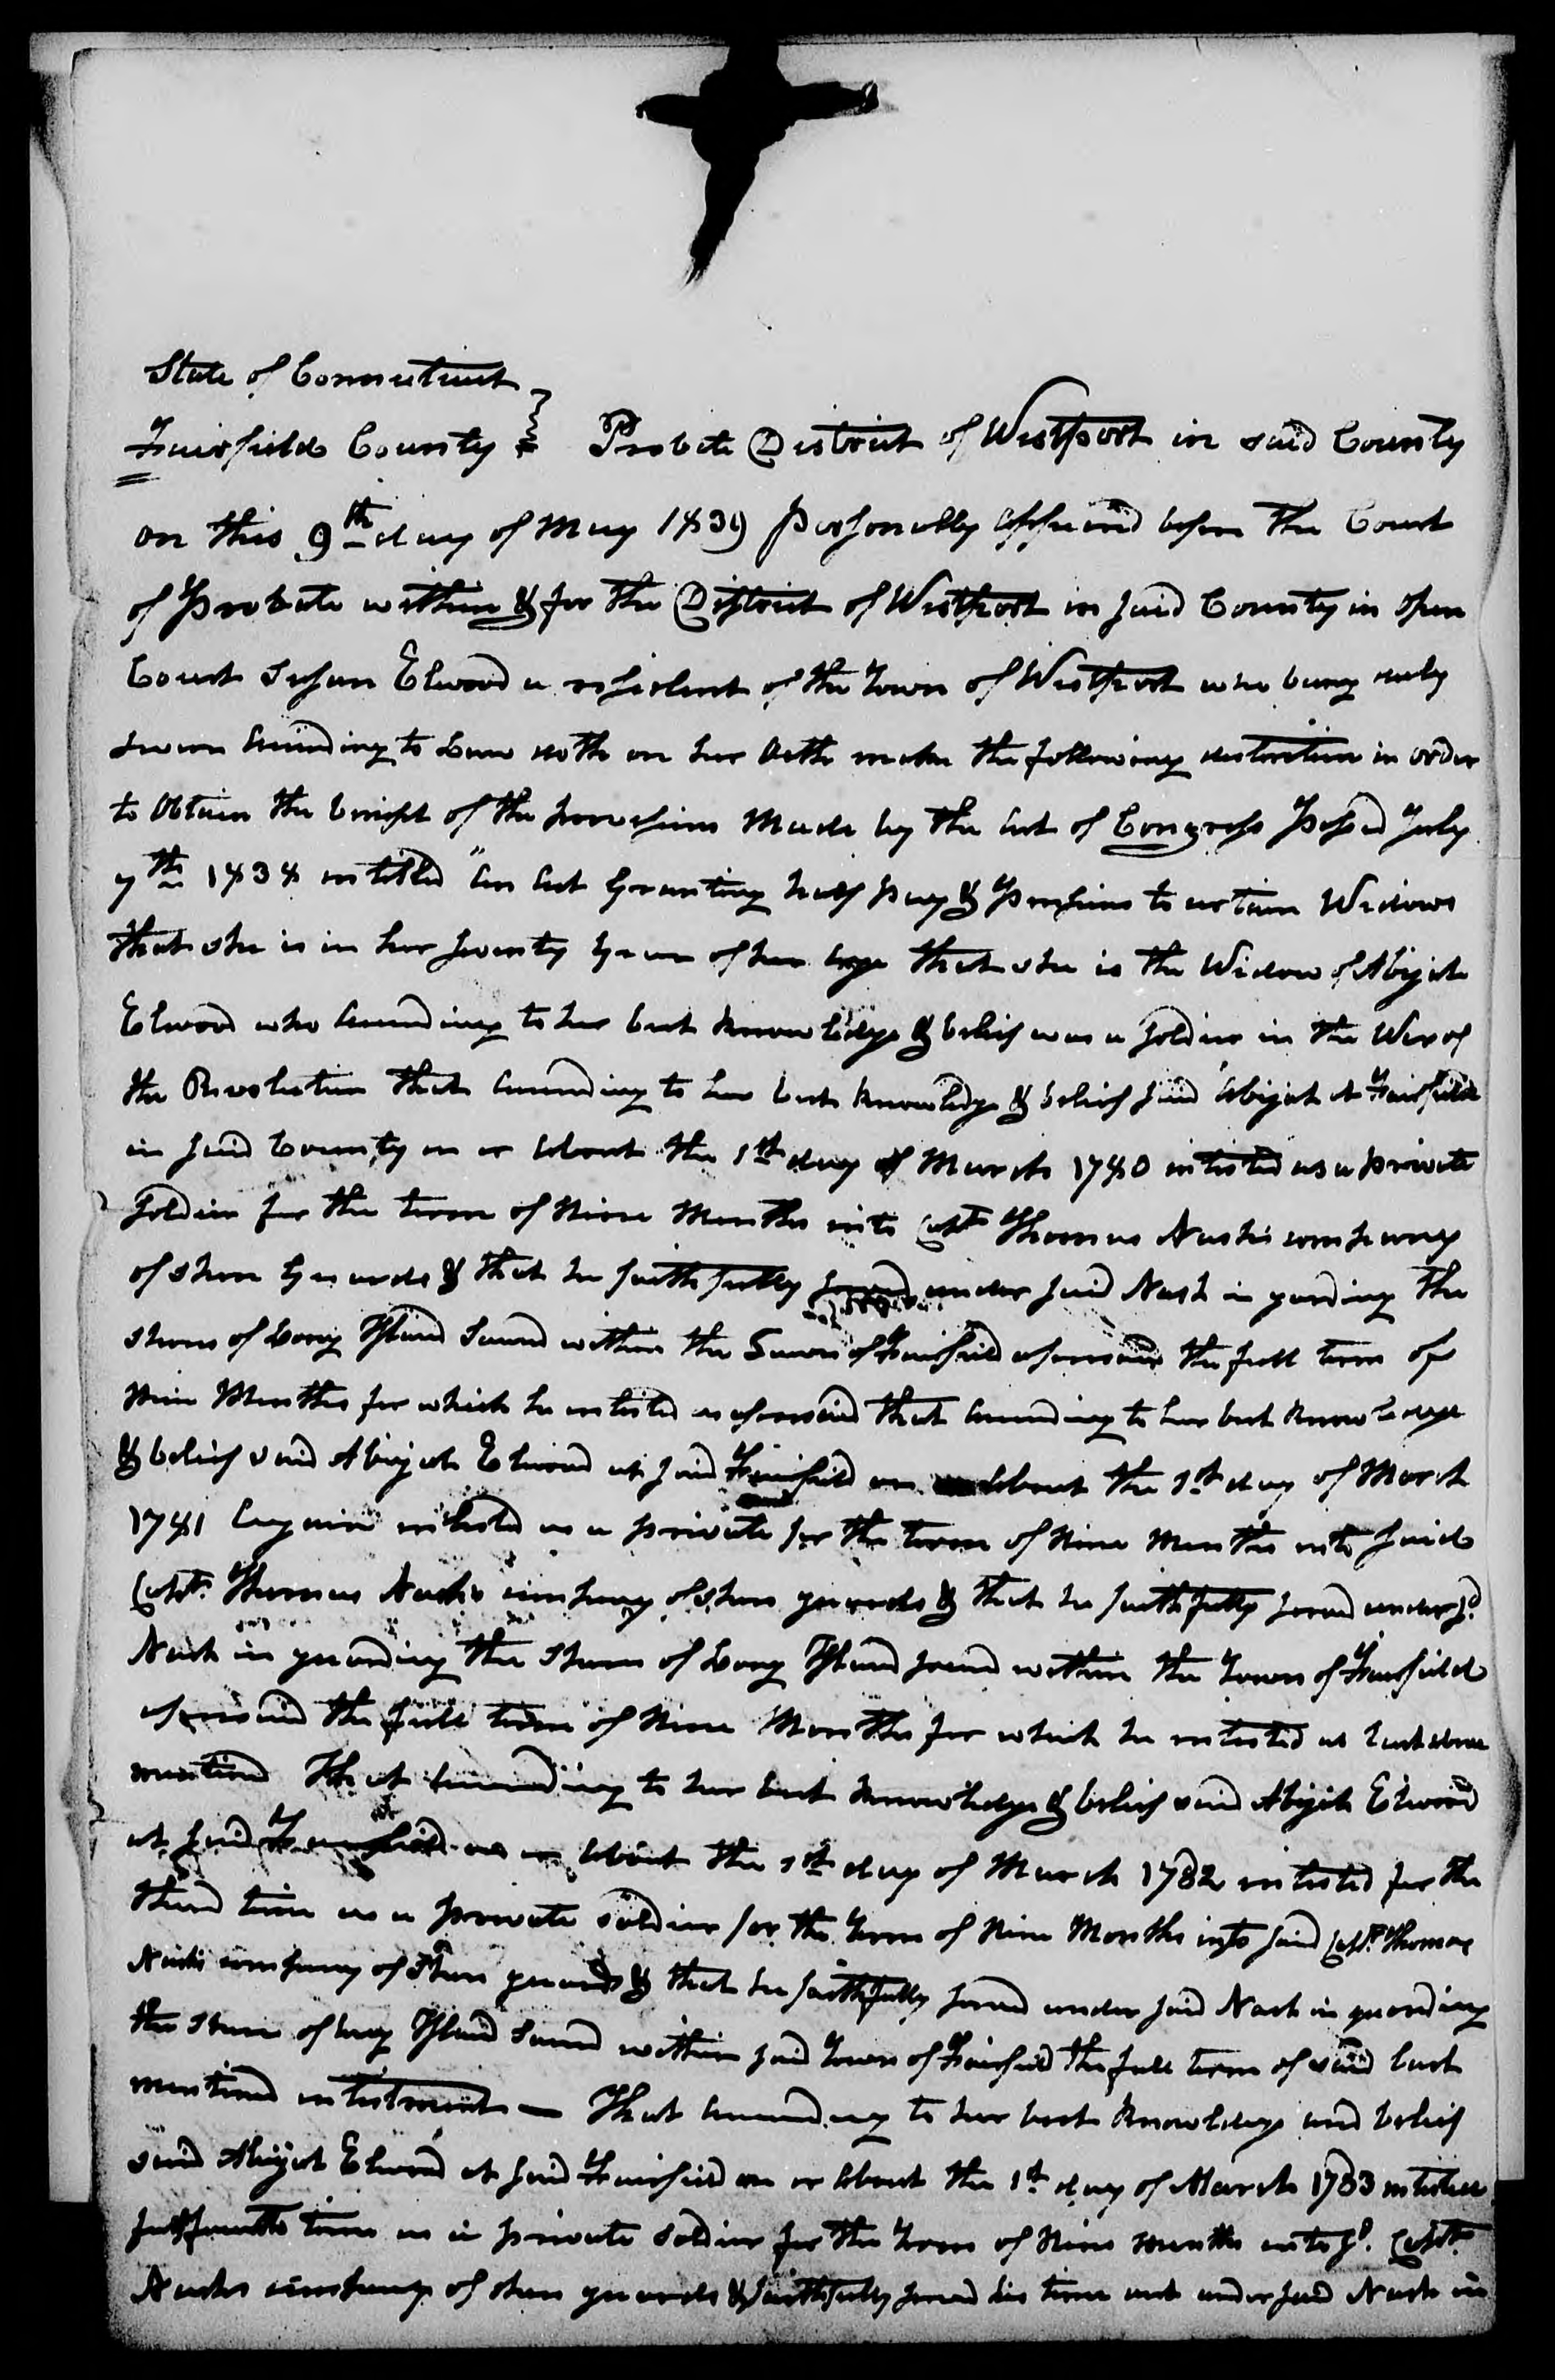State of Connecticut
Fairfield County Probate District of Westport in said County on this 9th day of May 1839 personally appeared before the Court of Probate within & for the District of Westport in said County in open court Susan Elwood a resident of the Town of Westport who being duly sworn according to Law doth on her oath make the following declaration in order to obtain the benefit of the provision made by the act of Congress passed July 7th 1838 entitled "An Act Granting Half Pay & Pensions to Certain Widows". That she is in her seventy years of her age. That she is the widow of Abijah Elwood who according to her best knowledge & belief was a soldier in the War of the Revolution. That according to her best knowledge & belief said Abijah in Fairfield ins aid county on or about the 1st day of March 1780 enlisted as a private soldier for the term of nine months into Capt Thomas Nash company of shore guards & that he faithfully served under said Nash in guarding the shore of Long Island Sound within the town of Fairfield aforesaid the full term of nine months for which he enlisted at [illegible] mentioned. That according to her best knowledge & belief said Abijah Elwood of said Fairfield on or about the 1st day of March 1782 enlisted for the third time as a private soldier for the term of nine months into said Capt Thomas Nash's company of shore guards & that he faithfully served under said Nash in guarding the shore of Long Island Sound within said town of Fairfield the full term of said last mentioned enlistment. That according to her best knowledge and belief said Abijah Elwood of said Fairfield on or about the 1st day of March 1783 enlisted for fourth time as a private soldier for the term of nine months into said Capt Nash company of shore guards & faithfully served his time under said Nash in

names: Abijah Elwood, Abijah Elwood, Abijah Elwood, Abijah Elwood, Abijah, Thomas Nash, Susan Elwood, Nash, Nash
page: 3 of 69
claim: widow's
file: W. 25562, Abijah Elwood, Conn.